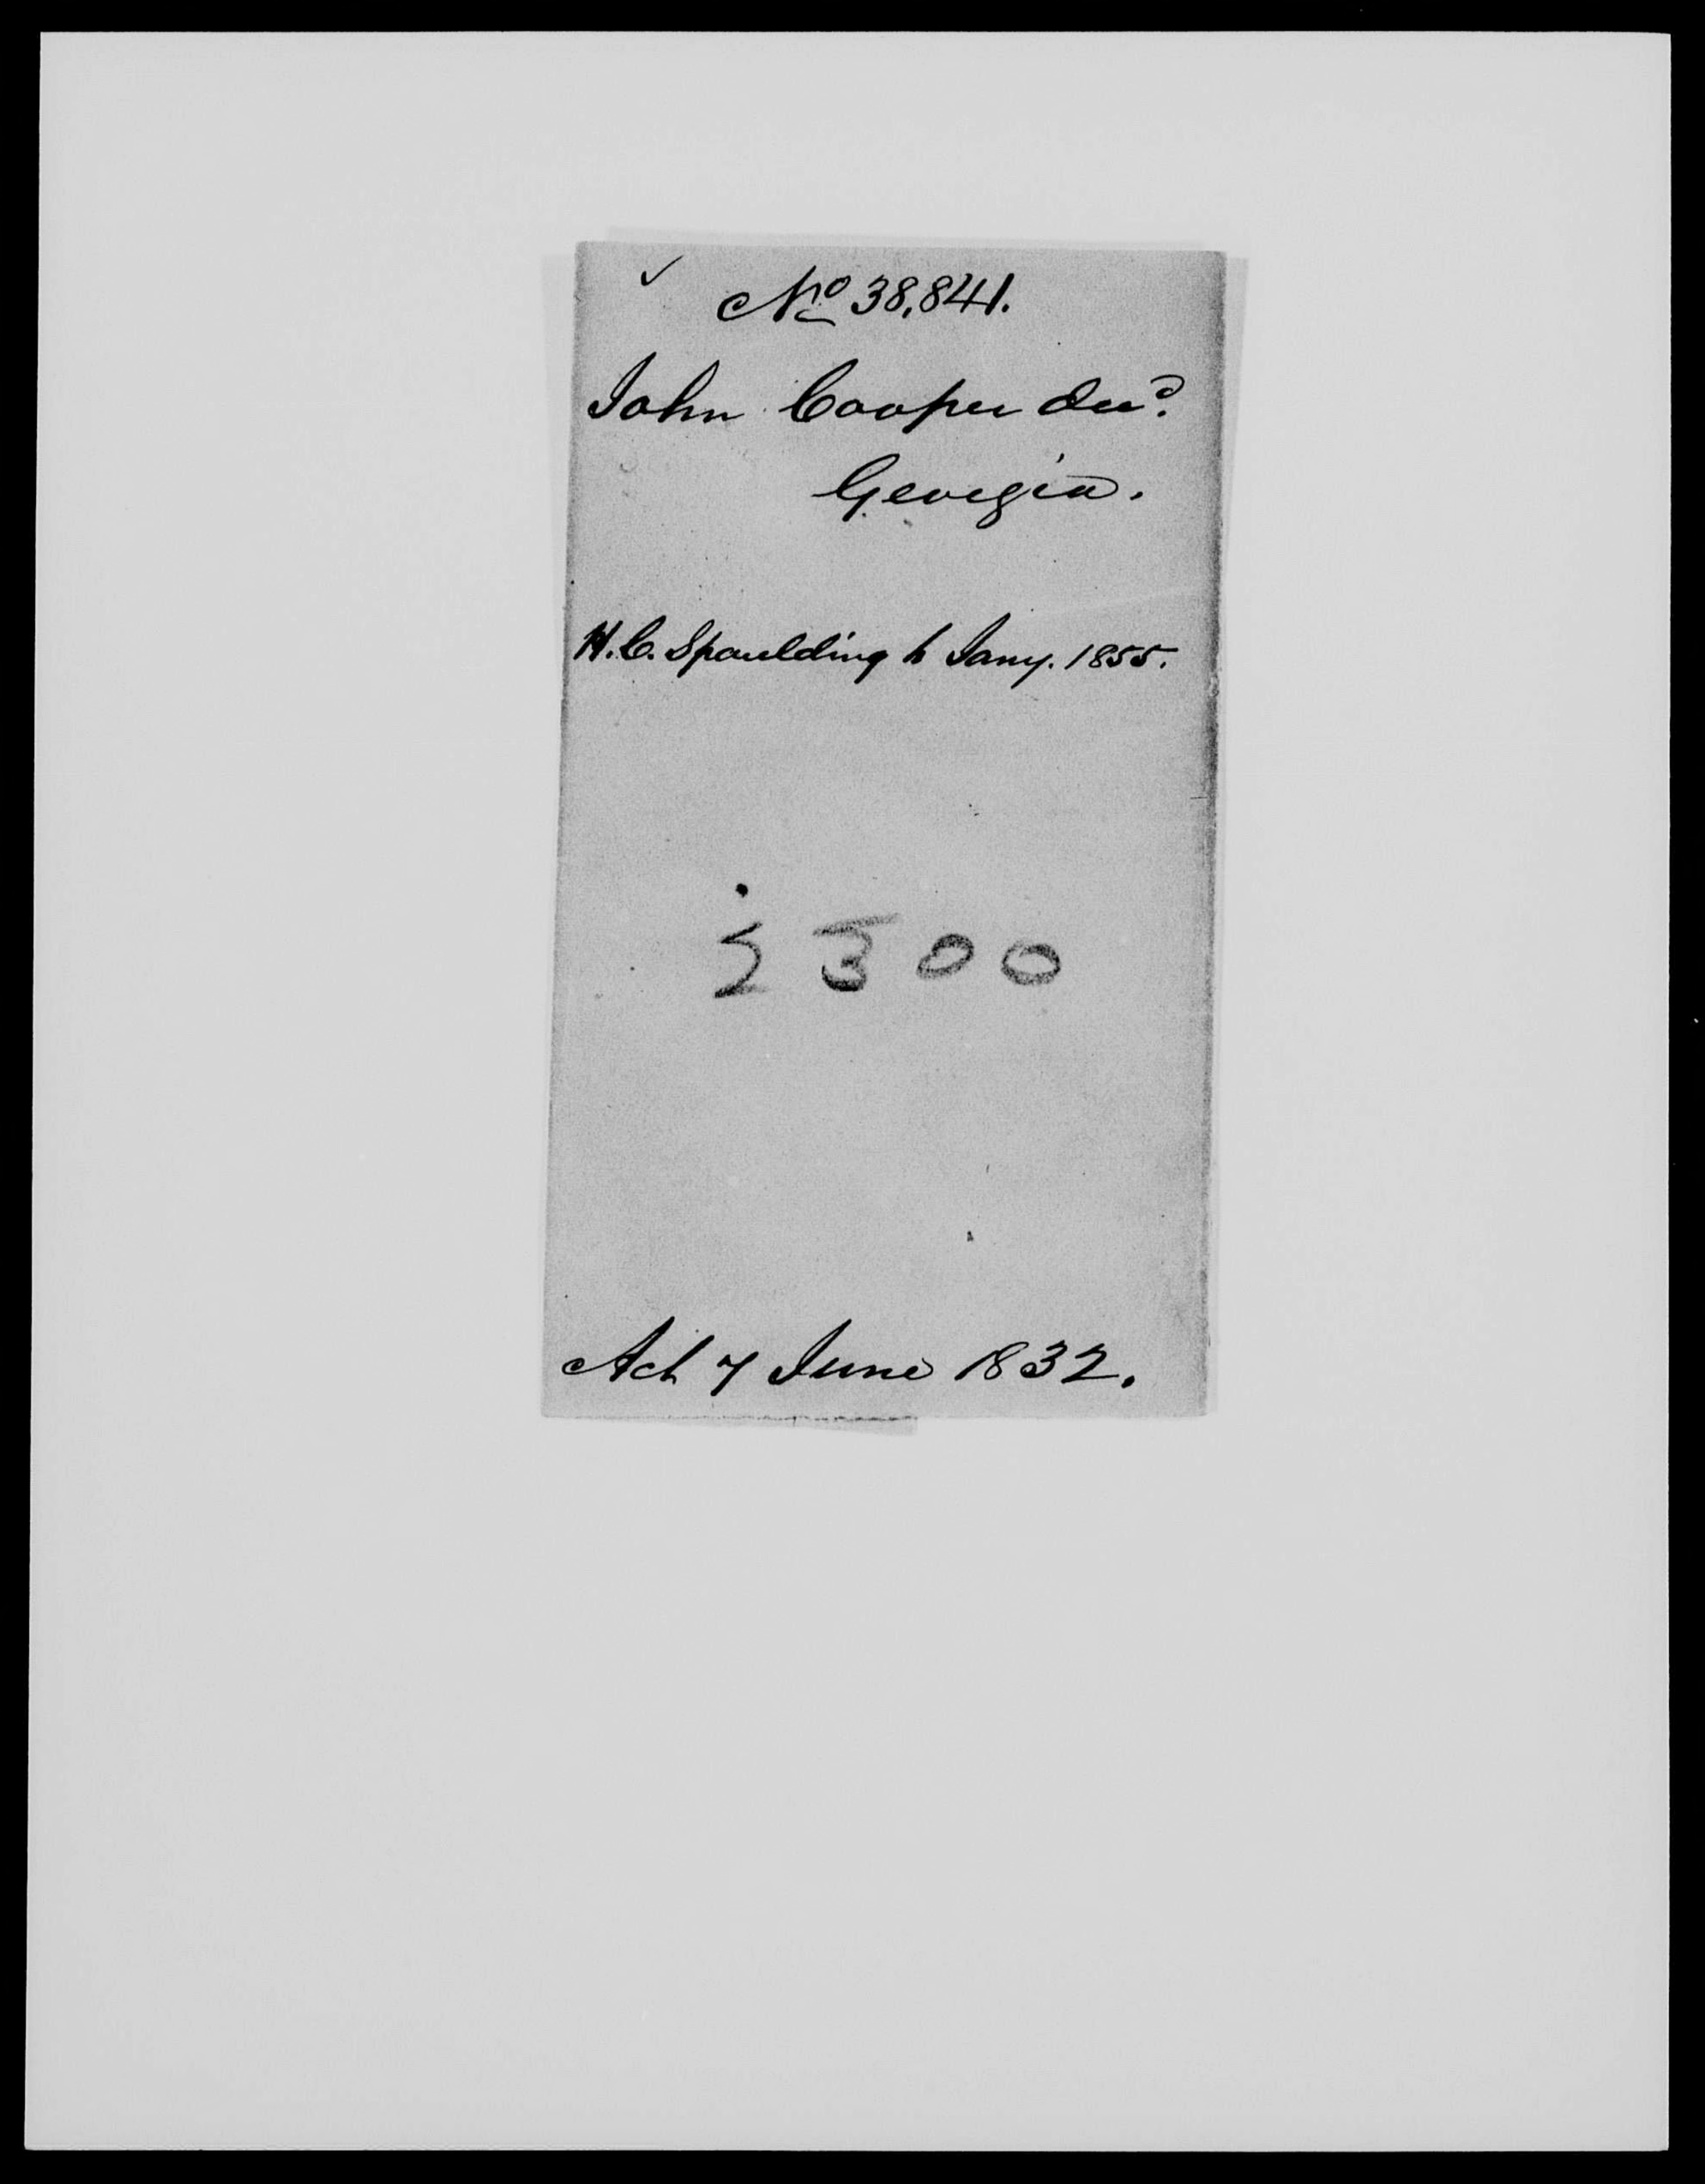No 38,841.
John Cooper decd
Georgia
H. C. Spaulding 6 Jany 1855.
2300
Act of June 1832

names: John Cooper, H C Spaulding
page: 13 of 17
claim: rejected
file: R. 2,300, John Cooper, Va.